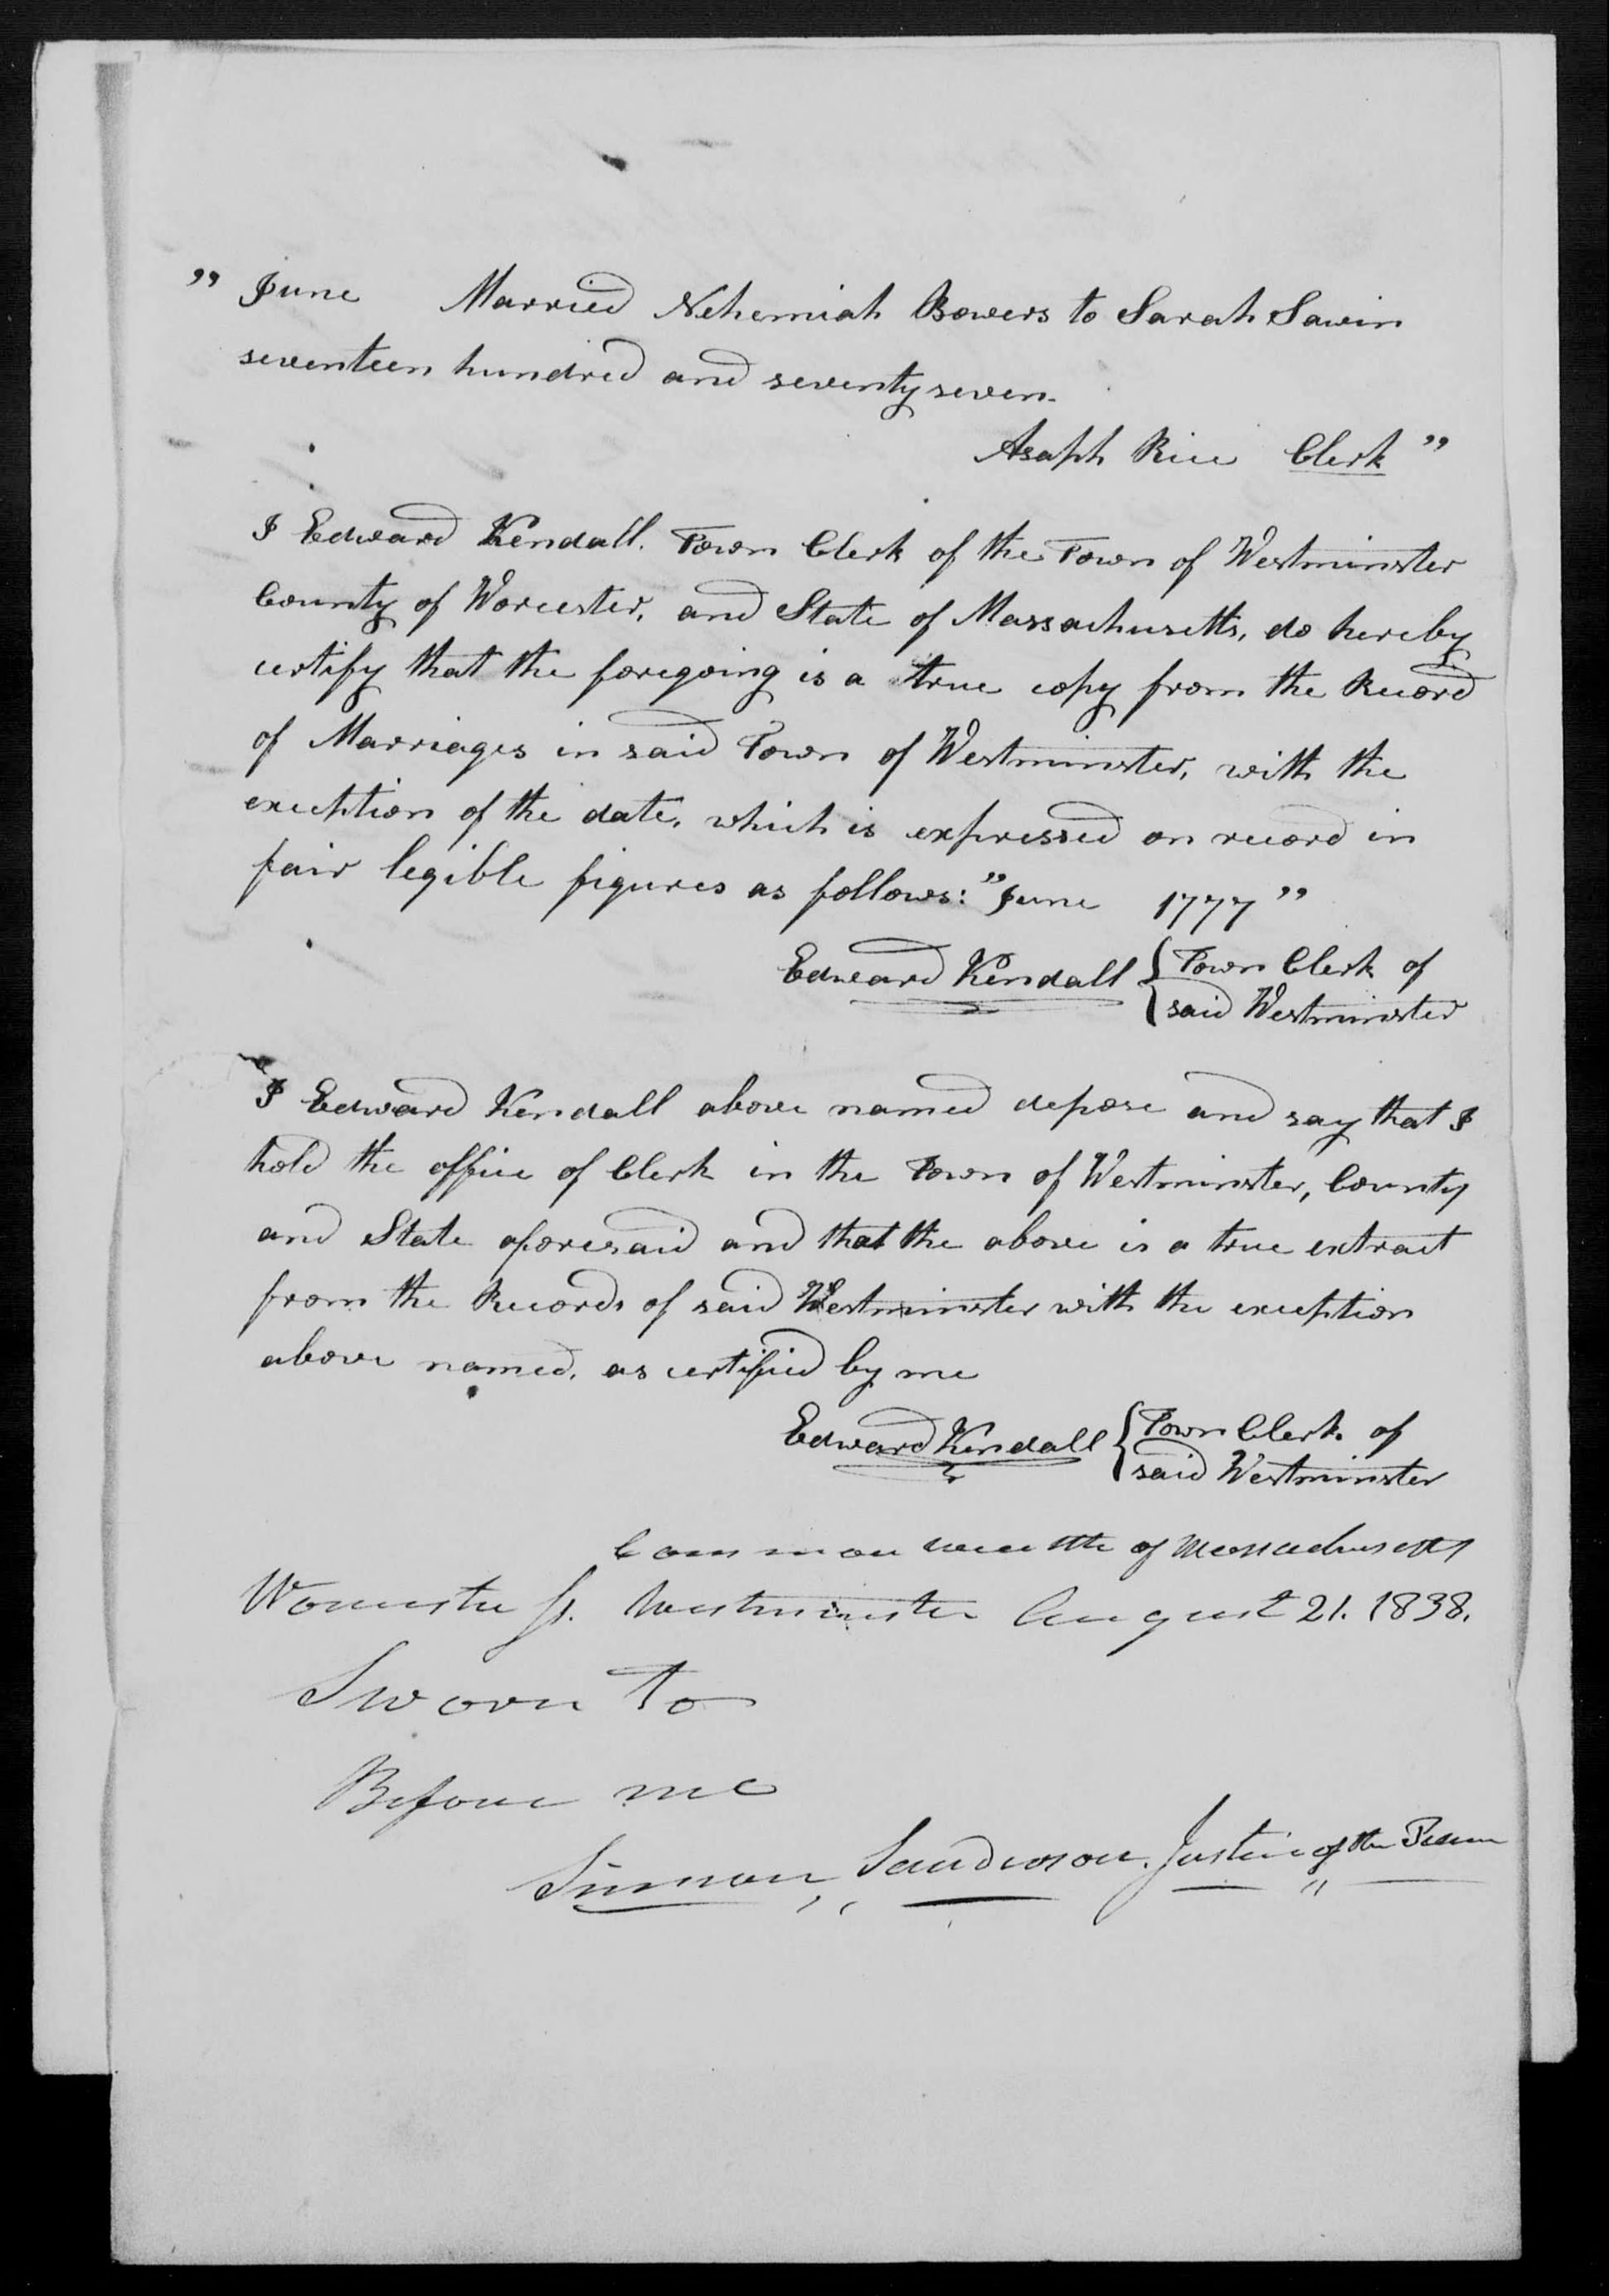"June Married Nehemiah Bowers to Sarah Sawin seventeen hundred and seventy seven.
Asaph Rice Clerk"
I Edward Kendall, Town Clerk of the Town of Westminster County of Worcester, and State of Massachusetts, do hereby certify that the foregoing is a true copy from the Record of Marriages in said Town of Westminster, with the exception of the date, which is expressed on record in fair legible figures as follows: "June 1777"
Edward Kendall { Town Clerk of said Westminster
I Edward Kendall above named depose and say that I hold the office of Clerk in the Town of Westminster, County and State aforesaid and that the above is a true extract from the Records of said Westminster with the exception above named, as certified by me.
Edward Kendall { Town Clerk of said Westminster

Commonwealth of Massachusetts 
Worcester ss. Westminster August 21. 1838.
Sworn to before me
Simeon Sanderson Justice of the Peace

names: Edward Kendall, Edward Kendall, Edward Kendall, Nehemiah Bowers, Simeon Sanderson, Edward Kendall, Asaph Rice, Sarah Sawin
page: 12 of 42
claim: widow's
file: W. 23,652, Nehemiah Bowers, Mass.